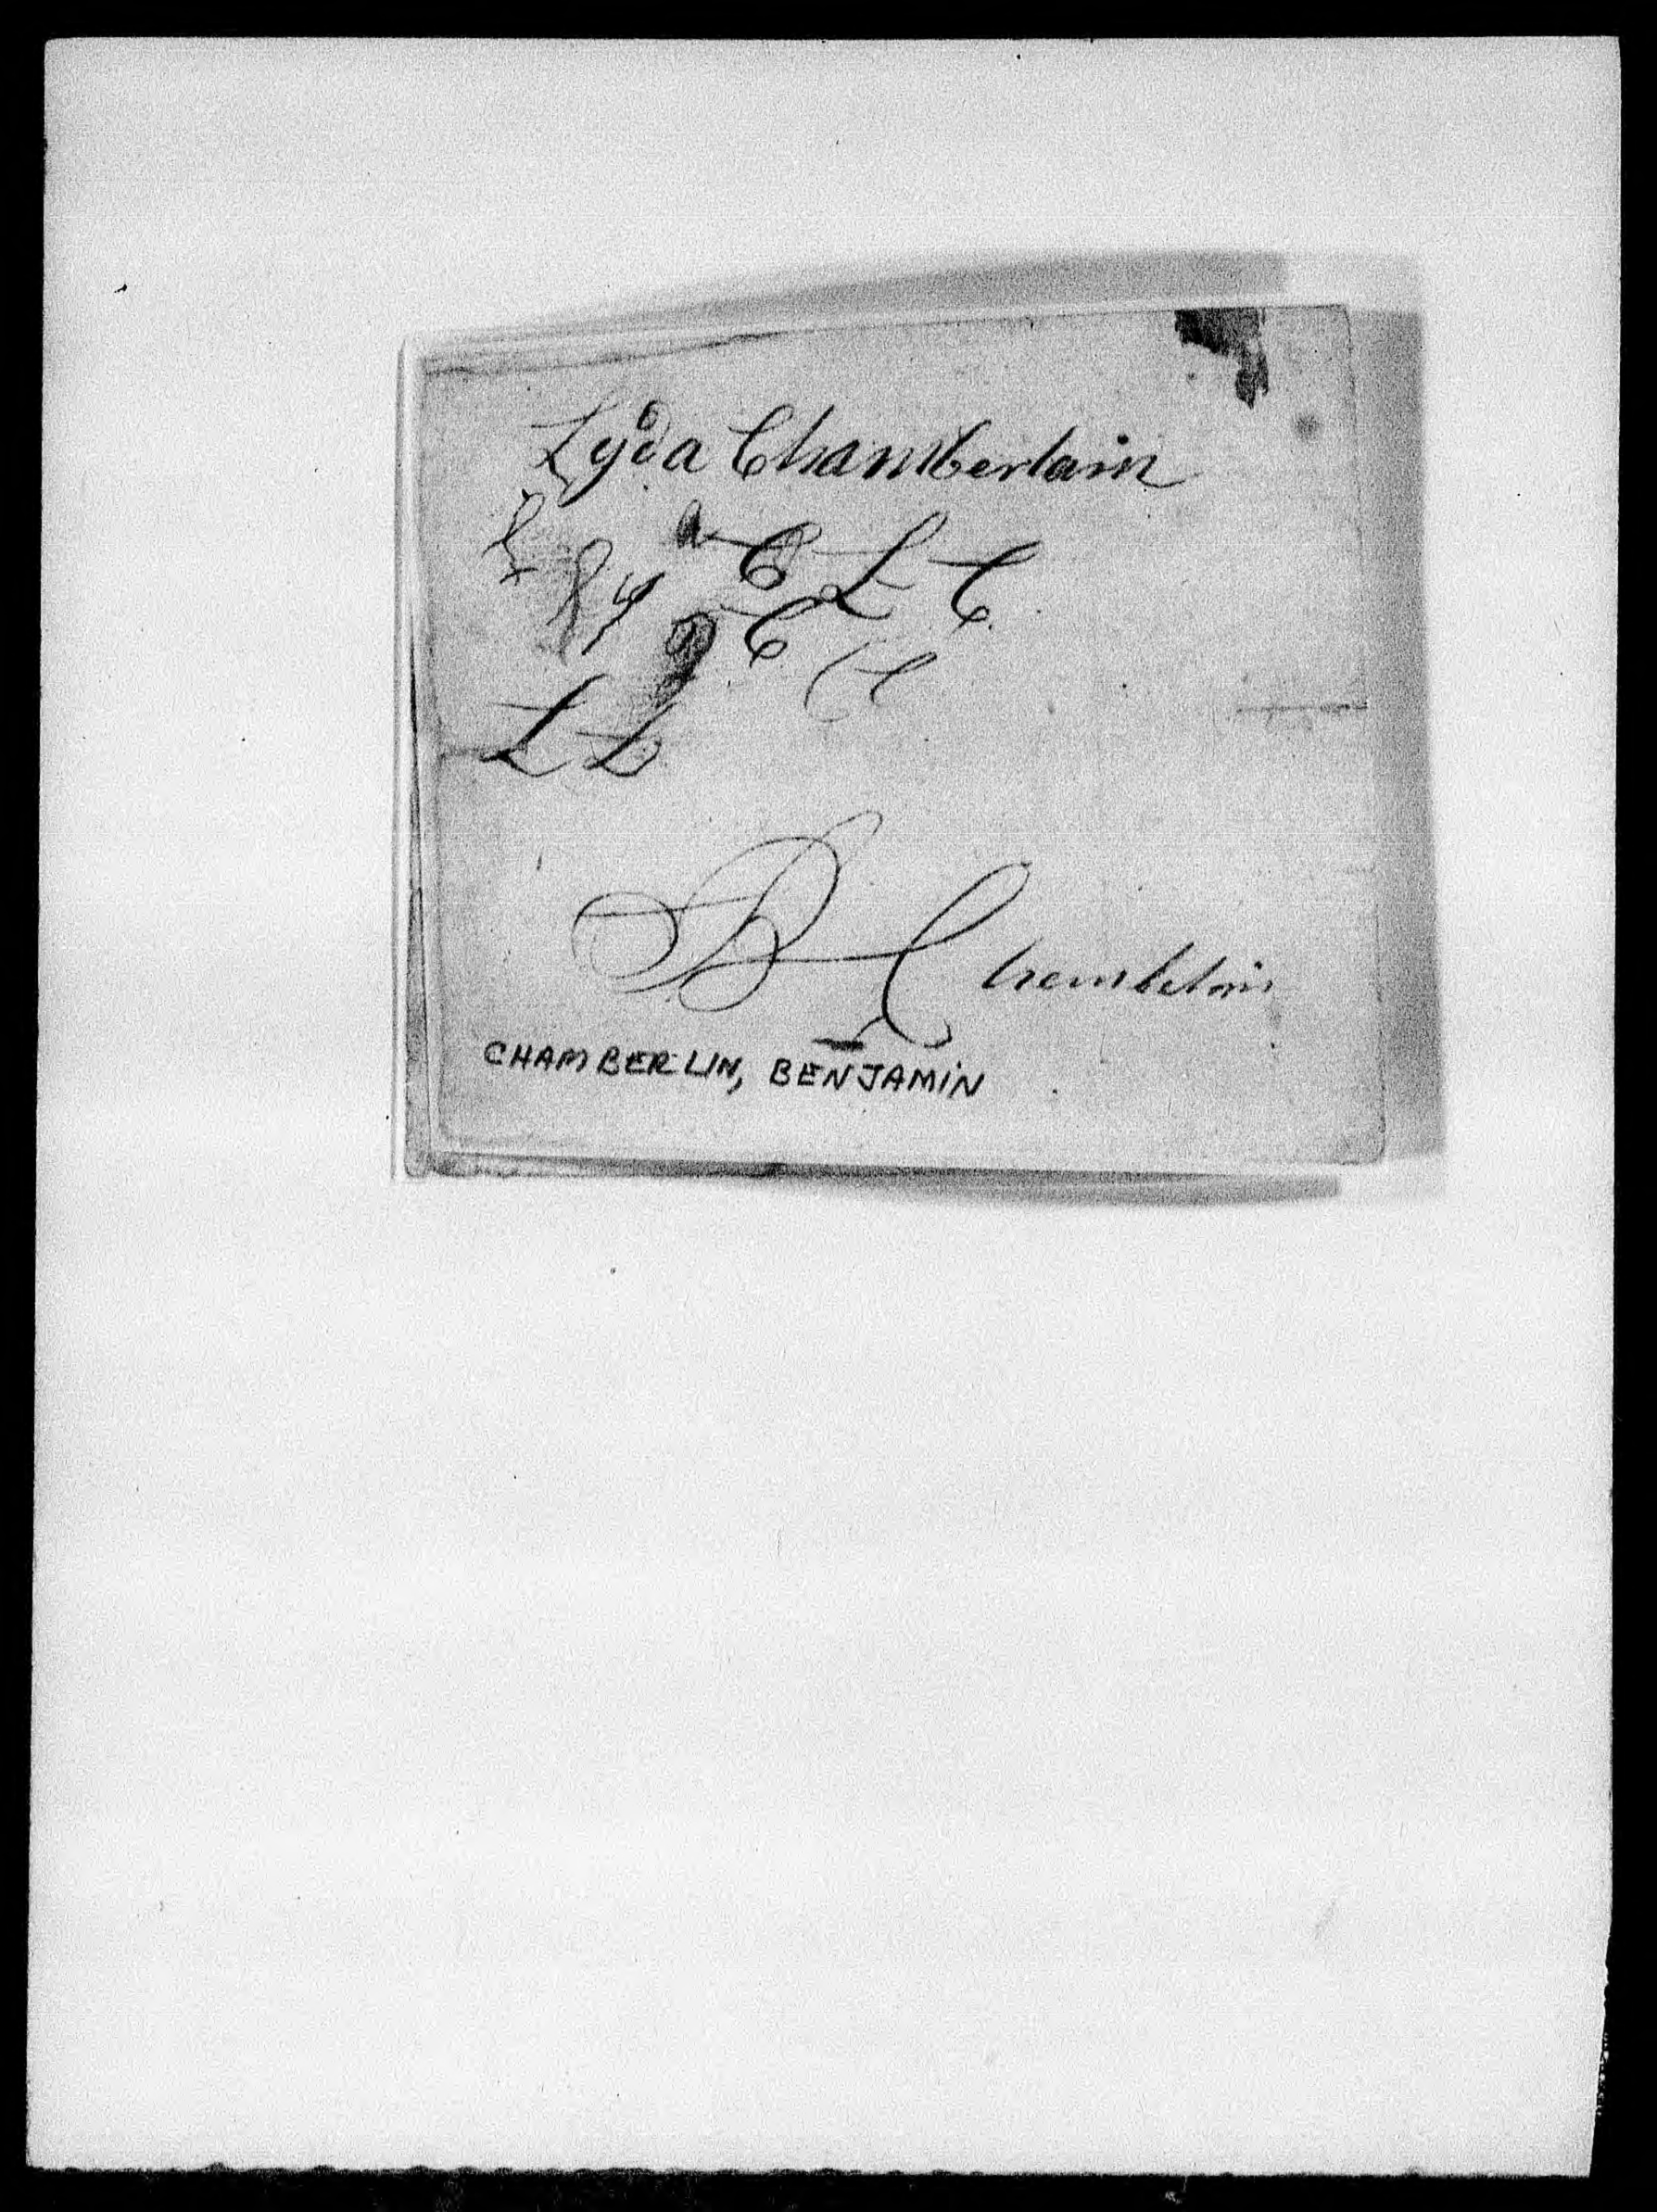Lyda Chamberlain
(many L, C scribbled on page)
B Chamberlin
Chamberlin, Benjamin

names: B Chambelin, Benjamin Chamberlin, Lyda Chamberlain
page: 10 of 30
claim: survivor's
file: S. 39306, Benjamin Chamberlin, Mass.